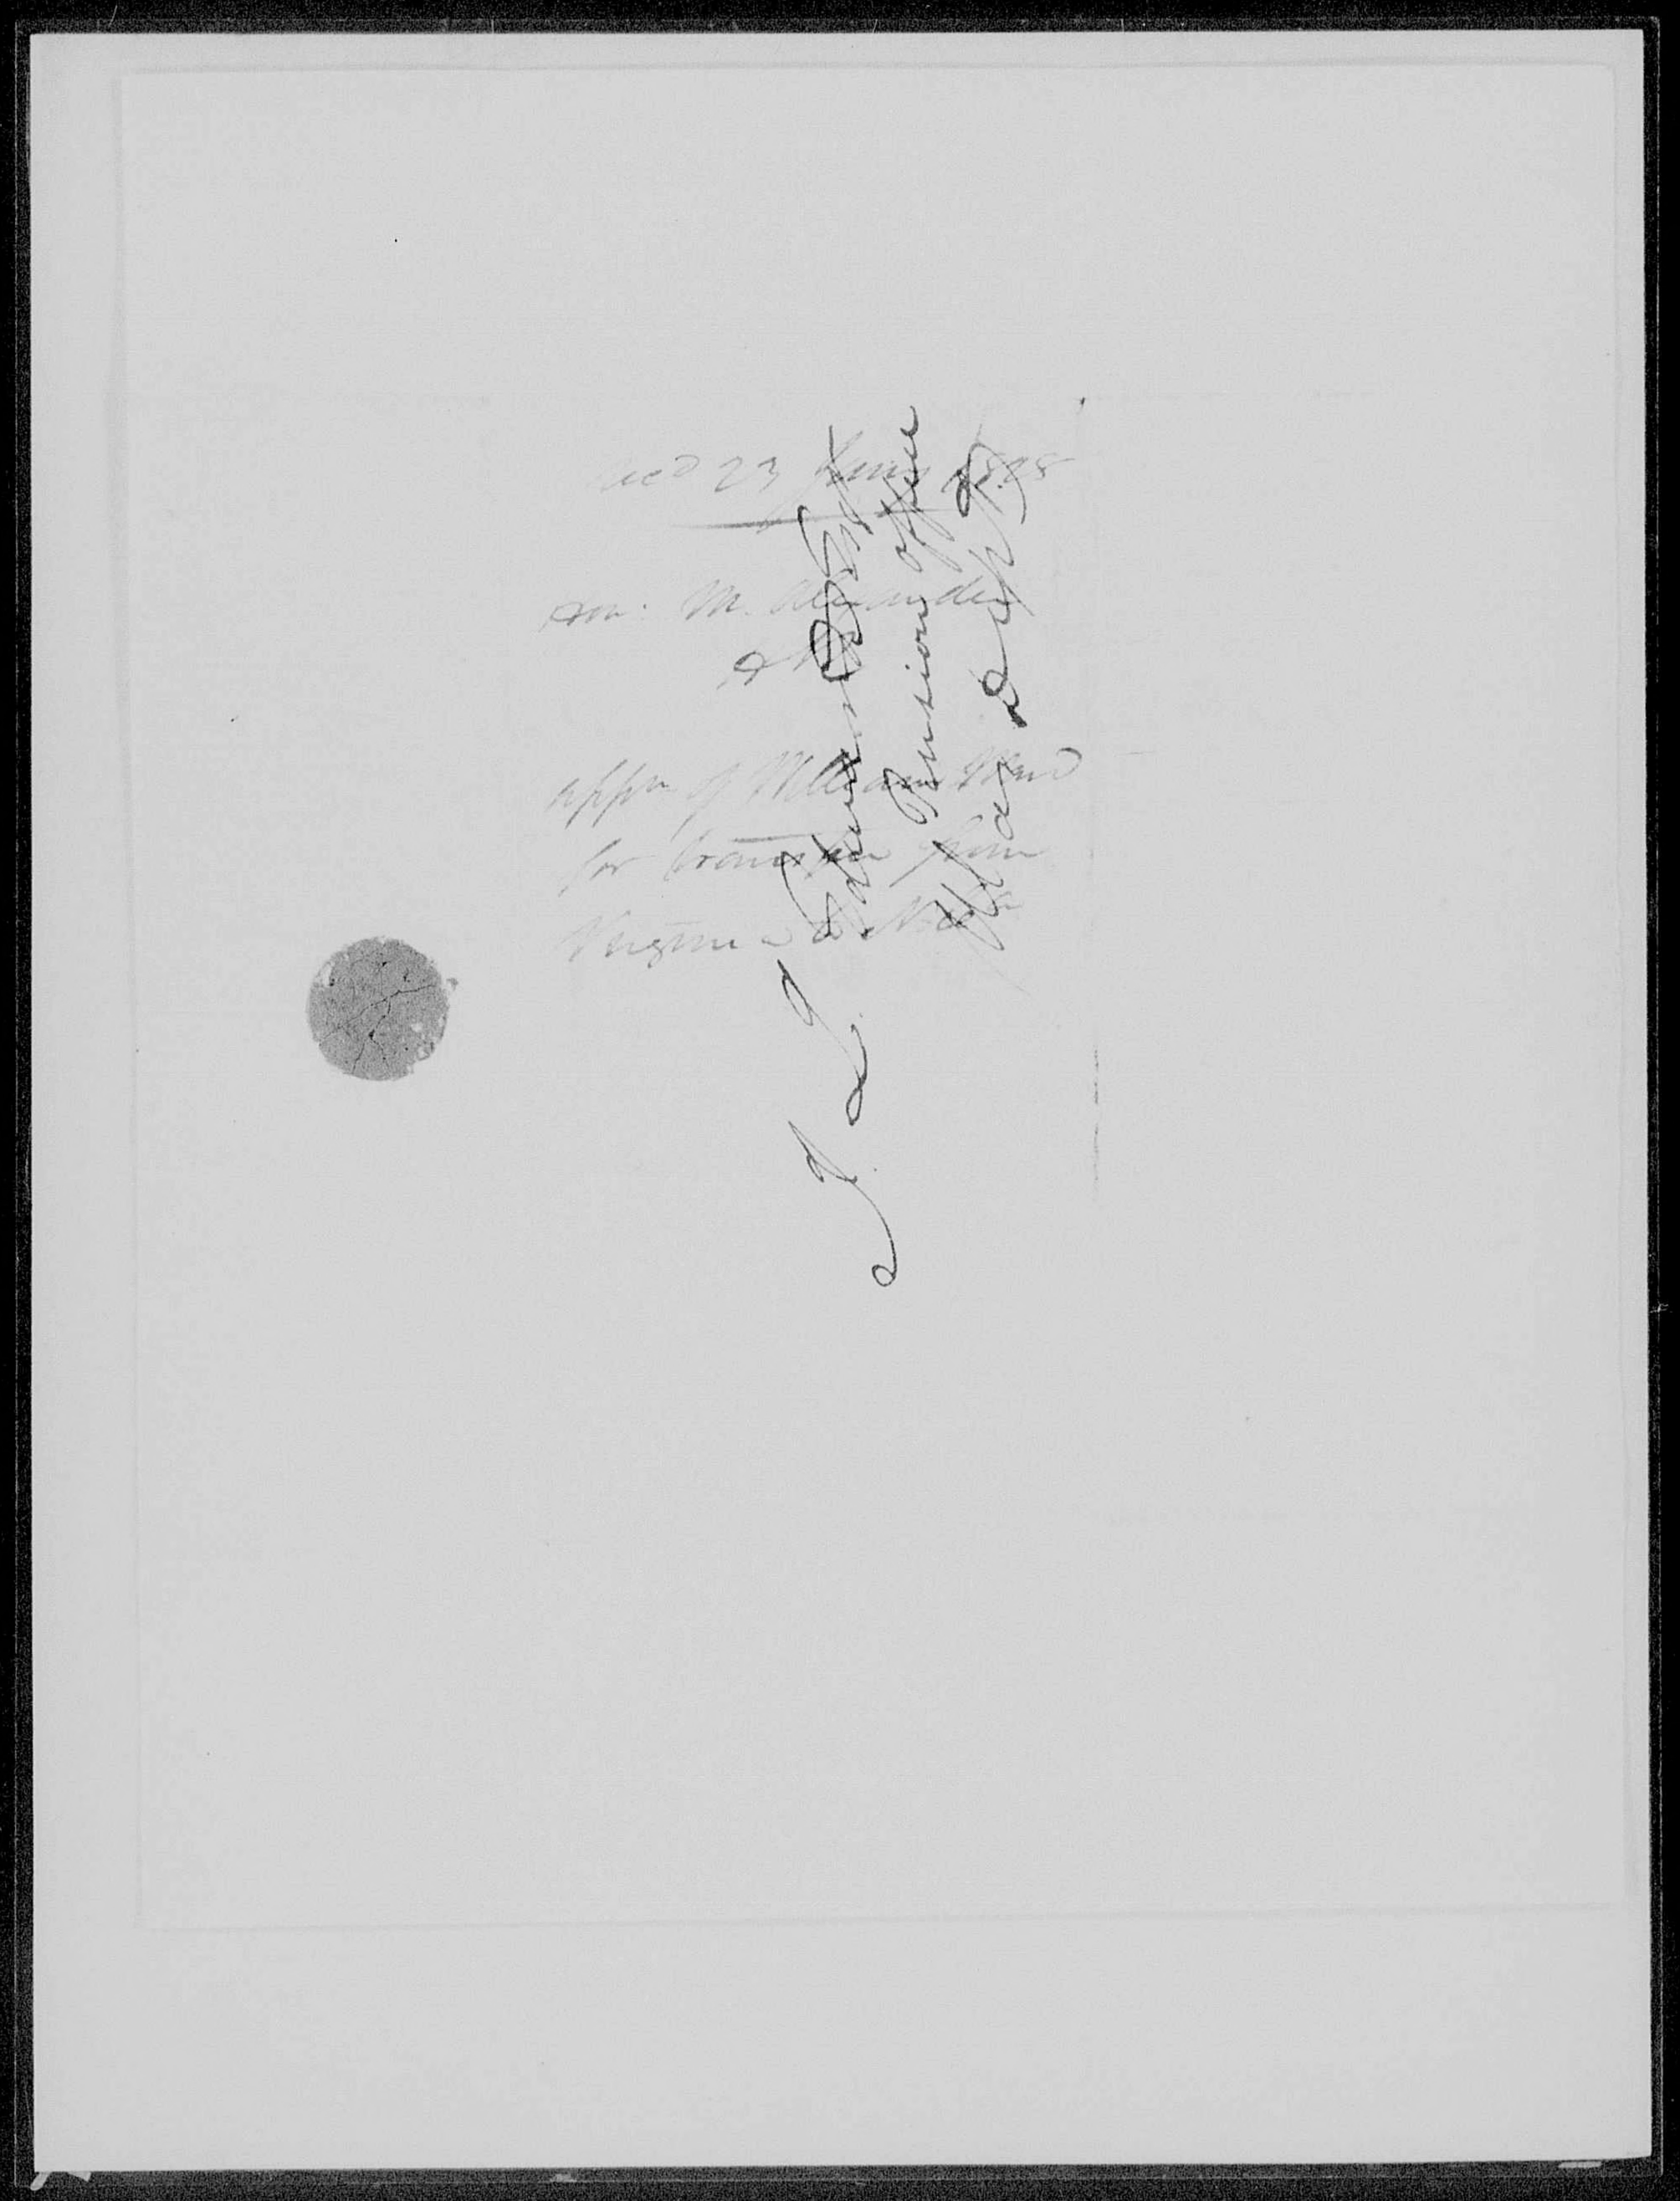J. L. Edwards Esqr
Pension Office
Was D.C.
Recd 23 Jany 1828
Hon. M. Alexander
H R
Appn of William Ward
for Transfer pens
Virginia to N.Ca.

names: J L Edwards, William Ward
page: 11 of 17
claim: survivor's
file: S. 42053, William Ward, Ga.